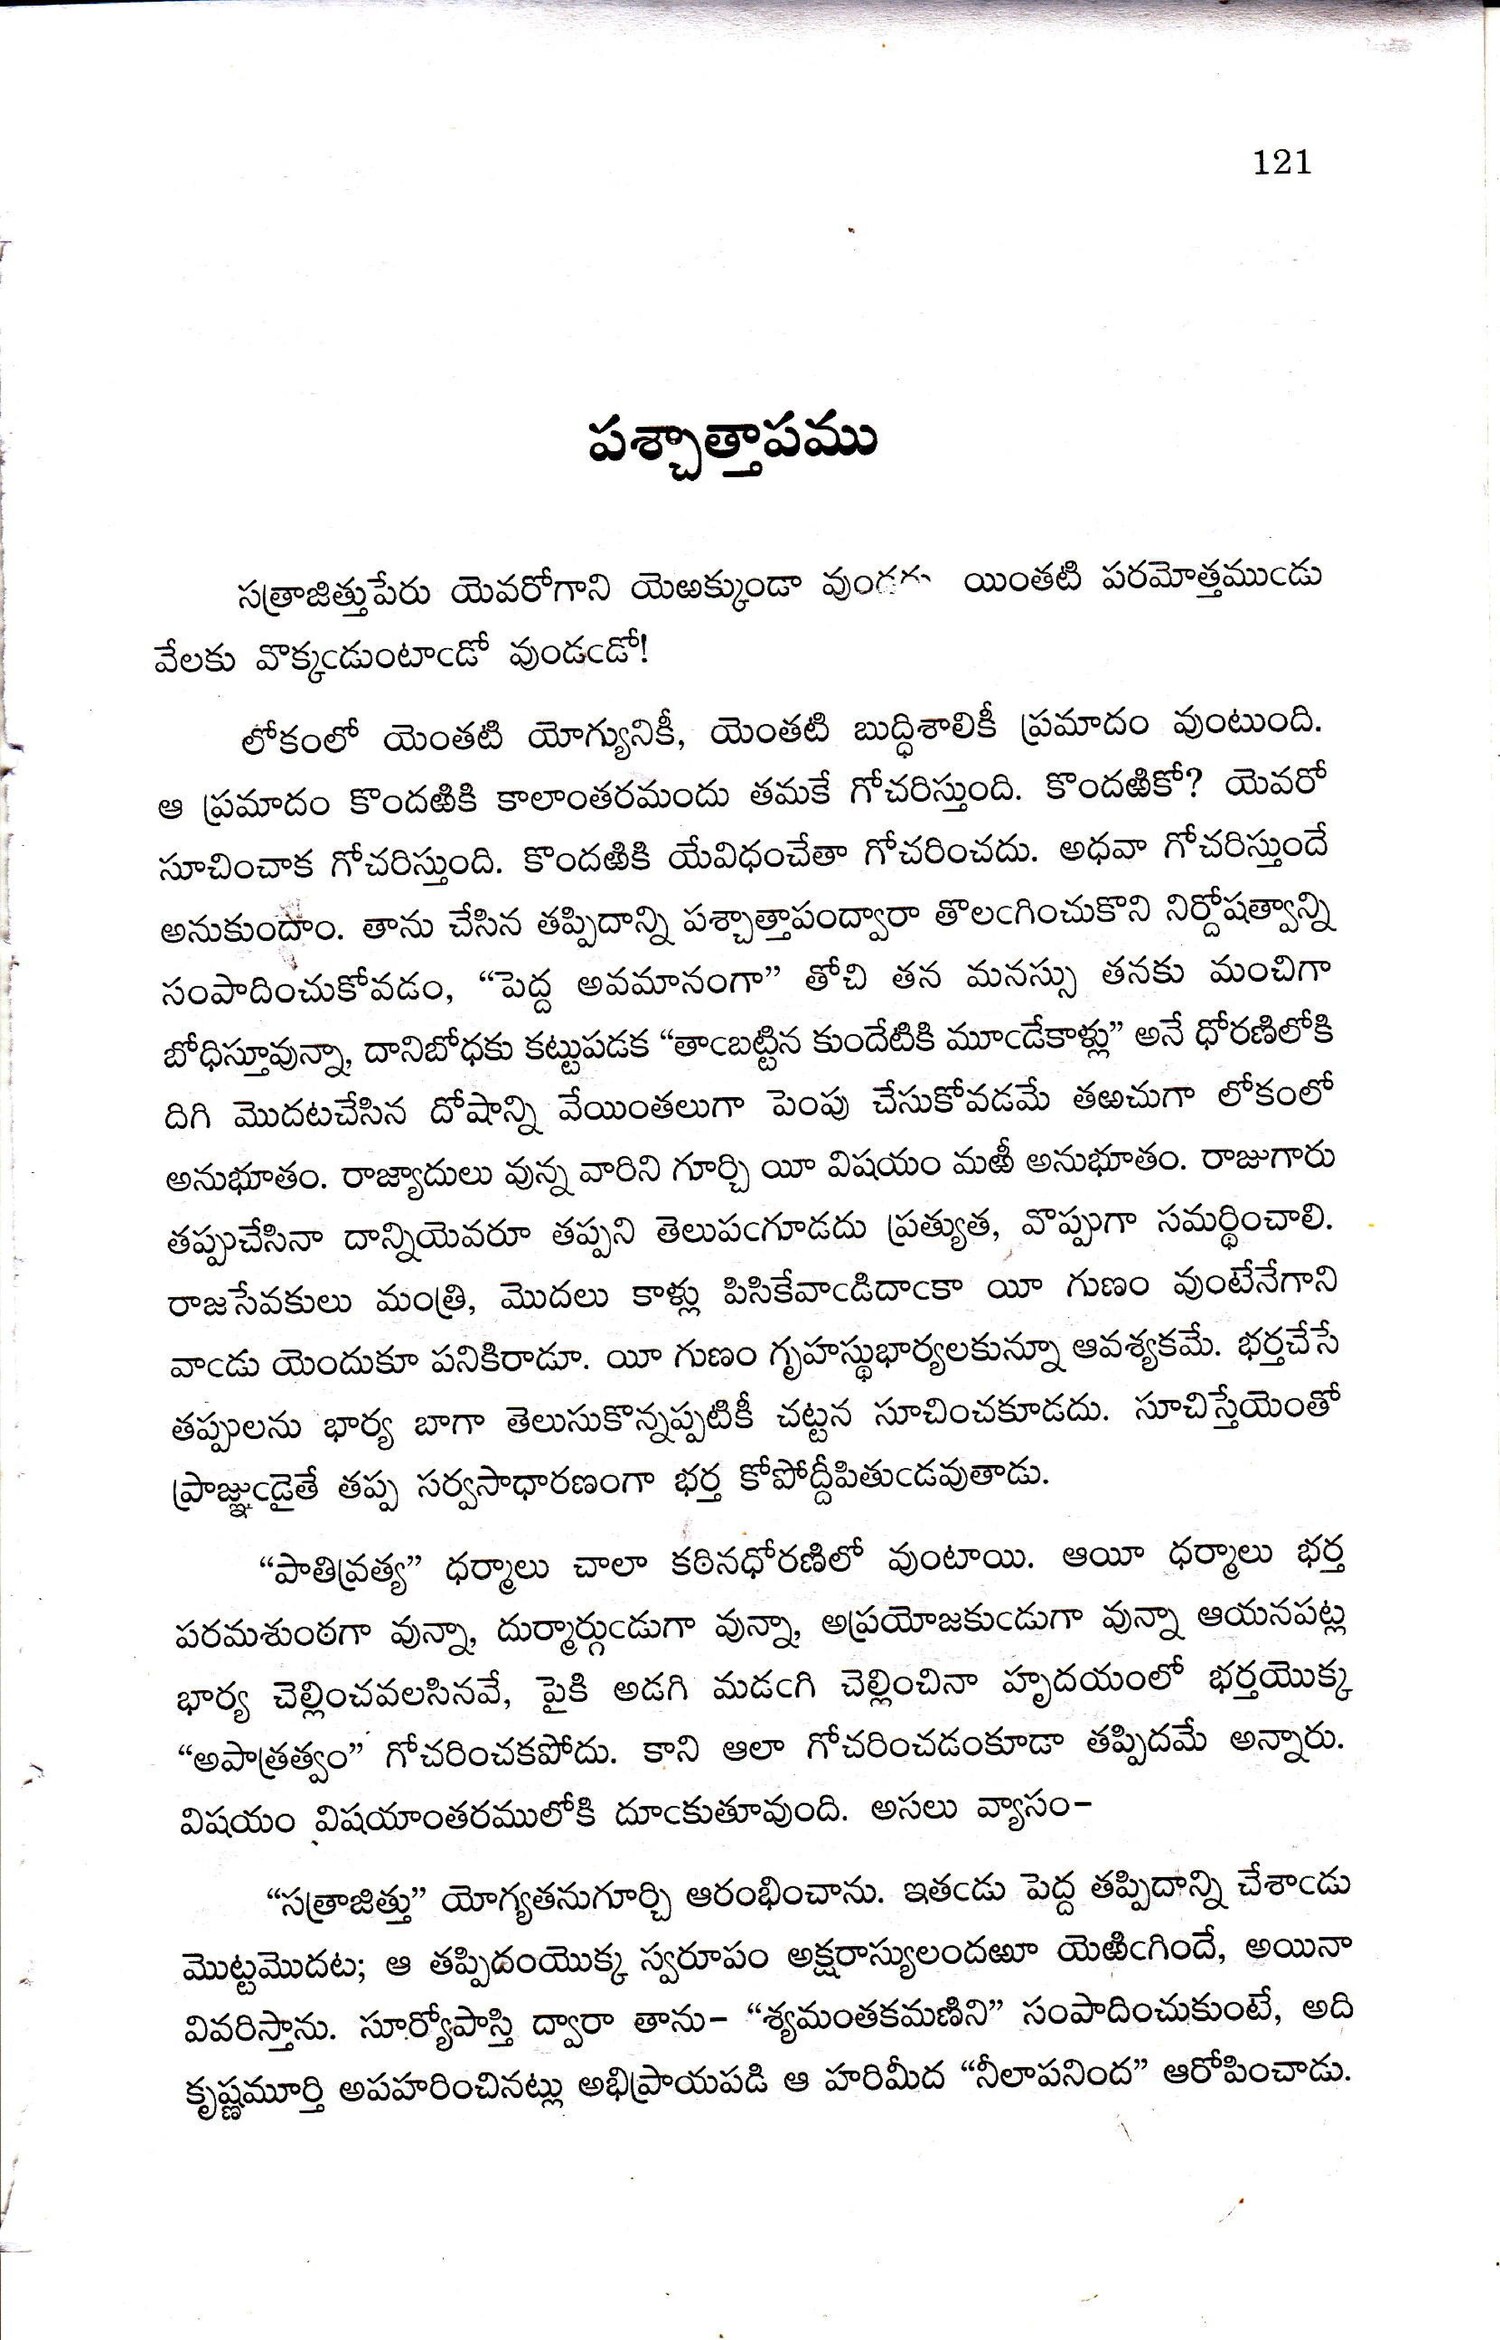సత్రాజిత్తుపేరు యెవరోగాని యొఱకుండా వంగగ యింతటి పరమోత్తముండు వేలకు వొక్కండుంటాండో వుండండో!

లోకంలో యెంతటి యోగ్యునికీ, యెంతటి బుద్ధిశాలికీ ప్రమాదం వుంటుంది. ఆ ప్రమాదం కొందఱికి కాలాంతరమందు తమకే గోచరిస్తుంది. కొందఱికో? యెవరో సూచించాక గోచరిస్తుంది. కొందఱికి యేవిధంచేతా గోచరించదు. అధవా గోచరిస్తుందే అనుకుందాం. తాను చేసిన తప్పిదాన్ని పశ్చాత్తాపంద్వారా తొలంగించుకొని నిర్దోషత్వాన్ని సంపాదించుకోవడం, "పెద్ద అవమానంగా" తోచి తన మనస్సు తనకు మంచిగా బోధిస్తూవున్నా దానిబోధకు కట్టుపడక "తాంబట్టిన కుందేటికి మూండేకాళ్లు" అనే ధోరణిలోకి దిగి మొదటచేసిన దోషాన్ని వేయింతలుగా పెంపు చేసుకోవడమే తఱచుగా లోకంలో అనుభూతం. రాజ్యాదులు వున్నవారిని గూర్చి యీ విషయం మటీ అనుభూతం. రాజుగారు తప్పచేసినా దాన్నియెవరూ తప్పని తెలుపంగూడదు ప్రత్యుత, వొప్పగా సమర్ధించాలి. రాజసేవకులు మంత్రి, మొదలు కాళ్లు పిసికేవాండిదాంకా యీ గుణం వుంటేనేగాని వాఁడు యెందుకూ పనికిరాడూ, యీ గుణం గృహస్టుభార్యలకున్నూ ఆవశ్యకమే. భర్తచేసే తప్పలను భార్య బాగా తెలుసుకొన్నప్పటికీ చట్టన సూచించకూడదు. సూచిస్తే యెంతో ప్రాజ్ఞండైతే తప్ప సర్వసాధారణంగా భర్త కోపోద్దీపితుండవుతాడు.

"పాతివ్రత్య ధర్మాలు చాలా కఠినధోరణిలో వుంటాయి. ఆయీ ధర్మాలు భర్త పరమశుంఠగా వున్నా దుర్మార్గుండుగా వున్నా అప్రయోజకుండుగా వున్నా ఆయనపట్ల భార్య చెల్లించవలసినవే, పైకి అడగి మడంగి చెల్లించినా హృదయంలో భర్తయొక్క “అపాత్రత్వం" గోచరించకపోదు. కాని ఆలా గోచరించడంకూడా తప్పిదమే అన్నారు. విషయం విషయాంతరములోకి దూCకుతూవుంది. అసలు వ్యాసం

“సత్రాజిత్తు" యోగ్యతనుగూర్చి ఆరంభించాను. ఇతండు పెద్ద తప్పిదాన్ని చేశాcడు మొట్టమొదట; ఆ తప్పిదంయొక్క స్వరూపం అక్షరాస్యులందఱూ యెఱిఁగిందే, అయినా వివరిస్తాను. సూర్యోపాస్తి ద్వారా తాను- “శ్యమంతకమణిని" సంపాదించుకుంటే, అది కృష్ణమూర్తి అపహరించినట్లు అభిప్రాయపడి ఆ హరిమీద “నీలాపనింద” ఆరోపించాడు.